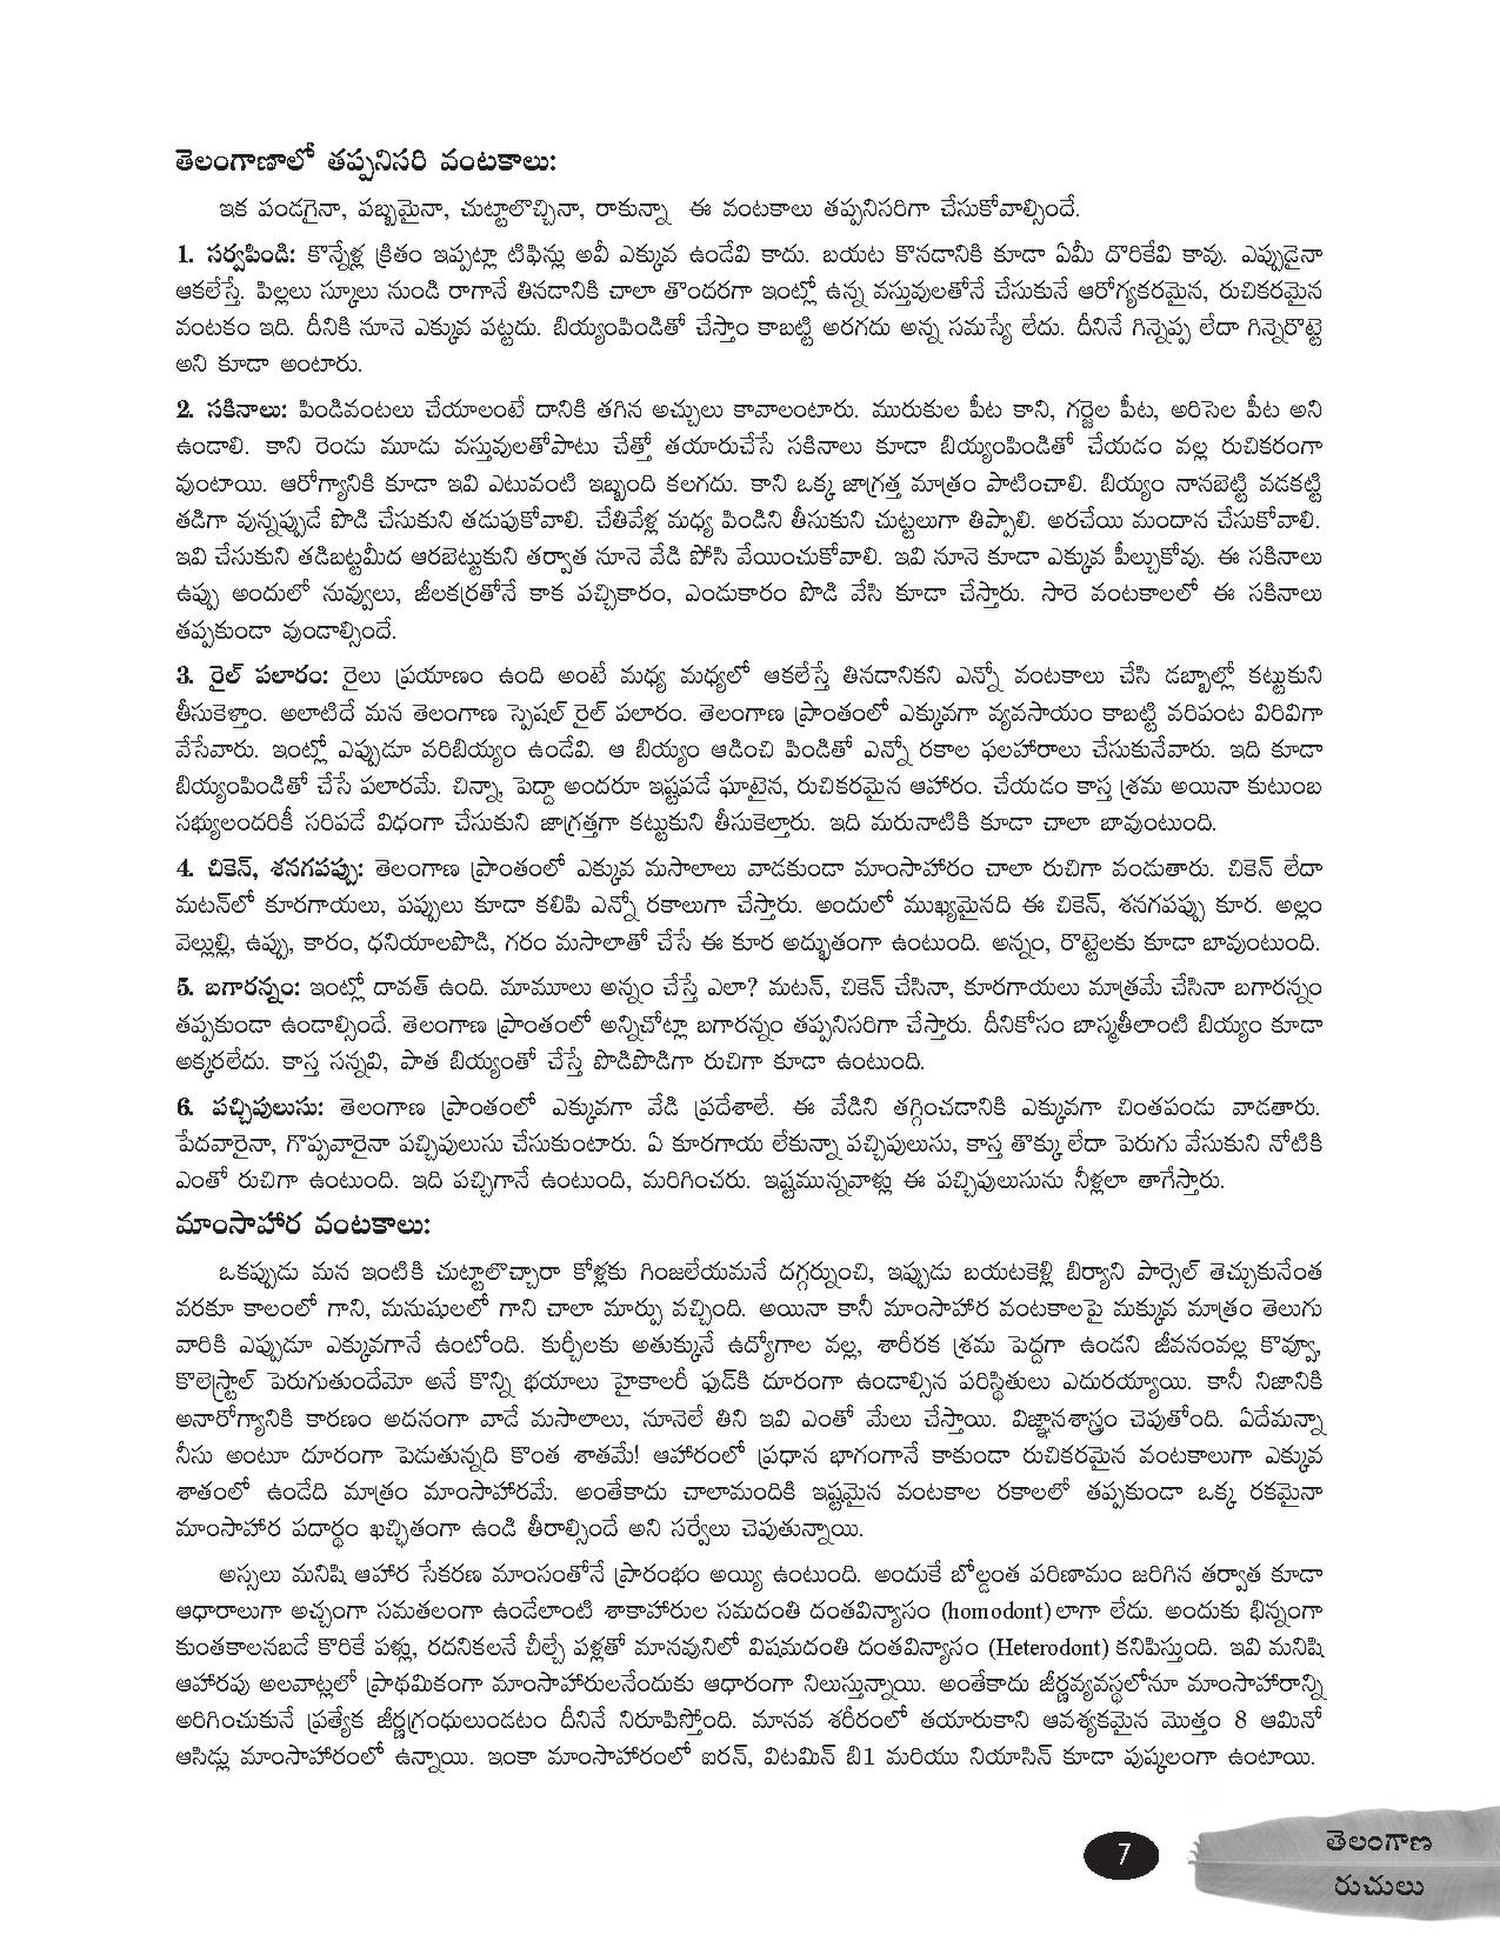తెలంగాణాలో తప్పనిసరి వంటకాలు:

ఇక పండగైనా, పబ్బమైనా, చుట్టాలొచ్చినా, రాకున్నా ఈ వంటకాలు తప్పనిసరిగా చేసుకోవాల్సిందే.

1. సర్వపిండి: కొన్నేళ్ల క్రితం ఇప్పట్లా టిఫిన్లు అవీ ఎక్కువ ఉండేవి కాదు. బయట కొనడానికి కూడా ఏమీ దొరికేవి కావు. ఎప్పుడైనా ఆకలేస్తే. పిల్లలు స్కూలు నుండి రాగానే తినడానికి చాలా తొందరగా ఇంట్లో ఉన్న వస్తువులతోనే చేసుకునే ఆరోగ్యకరమైన, రుచికరమైన వంటకం ఇది. దీనికి నూనె ఎక్కువ పట్టదు. బియ్యంపిండితో చేస్తాం కాబట్టి అరగదు అన్న సమస్యే లేదు. దీనినే గిన్నెప్ప లేదా గిన్నెరొట్టె అని కూడా అంటారు.

2. సకినాలు: పిండివంటలు చేయాలంటే దానికి తగిన అచ్చులు కావాలంటారు. మురుకుల పీట కాని, గర్జెల పీట, అరిసెల పీట అని ఉండాలి. కాని రెండు మూడు వస్తువులతోపాటు చేత్తో తయారుచేసే సకినాలు కూడా బియ్యంపిండితో చేయడం వల్ల రుచికరంగా వుంటాయి. ఆరోగ్యానికి కూడా ఇవి ఎటువంటి ఇబ్బంది కలగదు. కాని ఒక్క జాగ్రత్త మాత్రం పాటించాలి. బియ్యం నానబెట్టి వడకట్టి తడిగా వున్నప్పుడే పొడి చేసుకుని తడుపుకోవాలి. చేతివేళ్ల మధ్య పిండిని తీసుకుని చుట్టలుగా తిప్పాలి. అరచేయి మందాన చేసుకోవాలి. ఇవి చేసుకుని తడిబట్టమీద ఆరబెట్టుకుని తర్వాత నూనె వేడి పోసి వేయించుకోవాలి. ఇవి నూనె కూడా ఎక్కువ పీల్చుకోవు. ఈ సకినాలు ఉప్పు అందులో నువ్వులు, జీలకర్రతోనే కాక పచ్చికారం, ఎండుకారం పొడి వేసి కూడా చేస్తారు. సారె వంటకాలలో ఈ సకినాలు తప్పకుండా వుండాల్సిందే.

3. రైల్ పలారం: రైలు ప్రయాణం ఉంది అంటే మధ్య మధ్యలో ఆకలేస్తే తినడానికని ఎన్నో వంటకాలు చేసి డబ్బాల్లో కట్టుకుని తీసుకెళ్తాం. అలాటిదే మన తెలంగాణ స్పెషల్ రైల్ పలారం. తెలంగాణ ప్రాంతంలో ఎక్కువగా వ్యవసాయం కాబట్టి వరిపంట విరివిగా వేసేవారు. ఇంట్లో ఎప్పుడూ వరిబియ్యం ఉండేవి. ఆ బియ్యం ఆడించి పిండితో ఎన్నో రకాల ఫలహారాలు చేసుకునేవారు. ఇది కూడా బియ్యంపిండితో చేసే పలారమే. చిన్నా, పెద్దా అందరూ ఇష్టపడే ఘాటైన, రుచికరమైన ఆహారం. చేయడం కాస్త శ్రమ అయినా కుటుంబ సభ్యులందరికీ సరిపడే విధంగా చేసుకుని జాగ్రత్తగా కట్టుకుని తీసుకెళ్తారు. ఇది మరునాటికి కూడా చాలా బావుంటుంది.

4. చికెన్, శనగపప్పు: తెలంగాణ ప్రాంతంలో ఎక్కువ మసాలాలు వాడకుండా మాంసాహారం చాలా రుచిగా వండుతారు. చికెన్ లేదా మటన్ కూరగాయలు, పప్పులు కూడా కలిపి ఎన్నో రకాలుగా చేస్తారు. అందులో ముఖ్యమైనది ఈ చికెన్, శనగపప్పు కూర. అల్లం వెల్లుల్లి, ఉప్పు, కారం, ధనియాలపొడి, గరం మసాలాతో చేసే ఈ కూర అద్భుతంగా ఉంటుంది. అన్నం, రొట్టెలకు కూడా బావుంటుంది.

5. బగారన్నం: ఇంట్లో దావత్ ఉంది. మామూలు అన్నం చేస్తే ఎలా? మటన్, చికెన్ చేసినా, కూరగాయలు మాత్రమే చేసినా బగారన్నం తప్పకుండా ఉండాల్సిందే. తెలంగాణ ప్రాంతంలో అన్నిచోట్లా బగారన్నం తప్పనిసరిగా చేస్తారు. దీనికోసం బాస్మతీలాంటి బియ్యం కూడా అక్కరలేదు. కాస్త సన్నవి, పాత బియ్యంతో చేస్తే పొడిపొడిగా రుచిగా కూడా ఉంటుంది.

6. పచ్చిపులుసు: తెలంగాణ ప్రాంతంలో ఎక్కువగా వేడి ప్రదేశాలే. ఈ వేడిని తగ్గించడానికి ఎక్కువగా చింతపండు వాడతారు. పేదవారైనా, గొప్పవారైనా పచ్చిపులుసు చేసుకుంటారు. ఏ కూరగాయ లేకున్నా పచ్చిపులుసు, కాస్త తొక్కు లేదా పెరుగు వేసుకుని నోటికి ఎంతో రుచిగా ఉంటుంది. ఇది పచ్చిగానే ఉంటుంది, మరిగించరు. ఇష్టమున్న వాళ్లు ఈ పచ్చిపులుసును నీళ్లలా తాగేస్తారు.

మాంసాహార వంటకాలు:

ఒకప్పుడు మన ఇంటికి చుట్టాలొచ్చారా కోళ్లకు గింజలేయమనే దగ్గర్నుంచి, ఇప్పుడు బయటకెళ్లి బిర్యాని పార్సెల్ తెచ్చుకునేంత వరకూ కాలంలో గాని, మనుషులలో గాని చాలా మార్పు వచ్చింది. అయినా కానీ మాంసాహార వంటకాలపై మక్కువ మాత్రం తెలుగు వారికి ఎప్పుడూ ఎక్కువగానే ఉంటోంది. కుర్చీలకు అతుక్కునే ఉద్యోగాల వల్ల, శారీరక శ్రమ పెద్దగా ఉండని జీవనంవల్ల కొవ్వూ, కొలెస్ట్రాల్ పెరుగుతుందేమో అనే కొన్ని భయాలు హైకాలరీ ఫుడ్కి దూరంగా ఉండాల్సిన పరిస్థితులు ఎదురయ్యాయి. కానీ నిజానికి అనారోగ్యానికి కారణం అదనంగా వాడే మసాలాలు, నూనెలే తిని ఇవి ఎంతో మేలు చేస్తాయి. విజ్ఞానశాస్త్రం చెపుతోంది. ఏదేమన్నా నీసు అంటూ దూరంగా పెడుతున్నది కొంత శాతమే! ఆహారంలో ప్రధాన భాగంగానే కాకుండా రుచికరమైన వంటకాలుగా ఎక్కువ శాతంలో ఉండేది మాత్రం మాంసాహారమే. అంతేకాదు చాలామందికి ఇష్టమైన వంటకాల రకాలలో తప్పకుండా ఒక్క రకమైనా మాంసాహార పదార్థం ఖచ్ఛితంగా ఉండి తీరాల్సిందే అని సర్వేలు చెపుతున్నాయి. 

అస్సలు మనిషి ఆహార సేకరణ మాంసంతోనే ప్రారంభం అయ్యి ఉంటుంది. అందుకే బోల్డంత పరిణామం జరిగిన తర్వాత కూడా ఆధారాలుగా అచ్చంగా సమతలంగా ఉండేలాంటి శాకాహారుల సమదంతి దంతవిన్యాసం (homodont) లాగా లేదు. అందుకు భిన్నంగా కుంతకాలనబడే కొరికే పళ్లు, రదనికలనే చీల్చే పళ్లతో మానవునిలో విషమదంతి దంతవిన్యాసం (Heterodont) కనిపిస్తుంది. ఇవి మనిషి ఆహారపు అలవాట్లలో ప్రాథమికంగా మాంసాహారులనేందుకు ఆధారంగా నిలుస్తున్నాయి. అంతేకాదు జీర్ణవ్యవస్థలోనూ మాంసాహారాన్ని అరిగించుకునే ప్రత్యేక జీర్ణగ్రంధులుండటం దీనినే నిరూపిస్తోంది. మానవ శరీరంలో తయారుకాని ఆవశ్యకమైన మొత్తం 8 ఆమినో ఆసిడ్లు మాంసాహారంలో ఉన్నాయి. ఇంకా మాంసాహారంలో ఐరన్, విటమిన్ బి1 మరియు నియాసిన్ కూడా పుష్కలంగా ఉంటాయి.